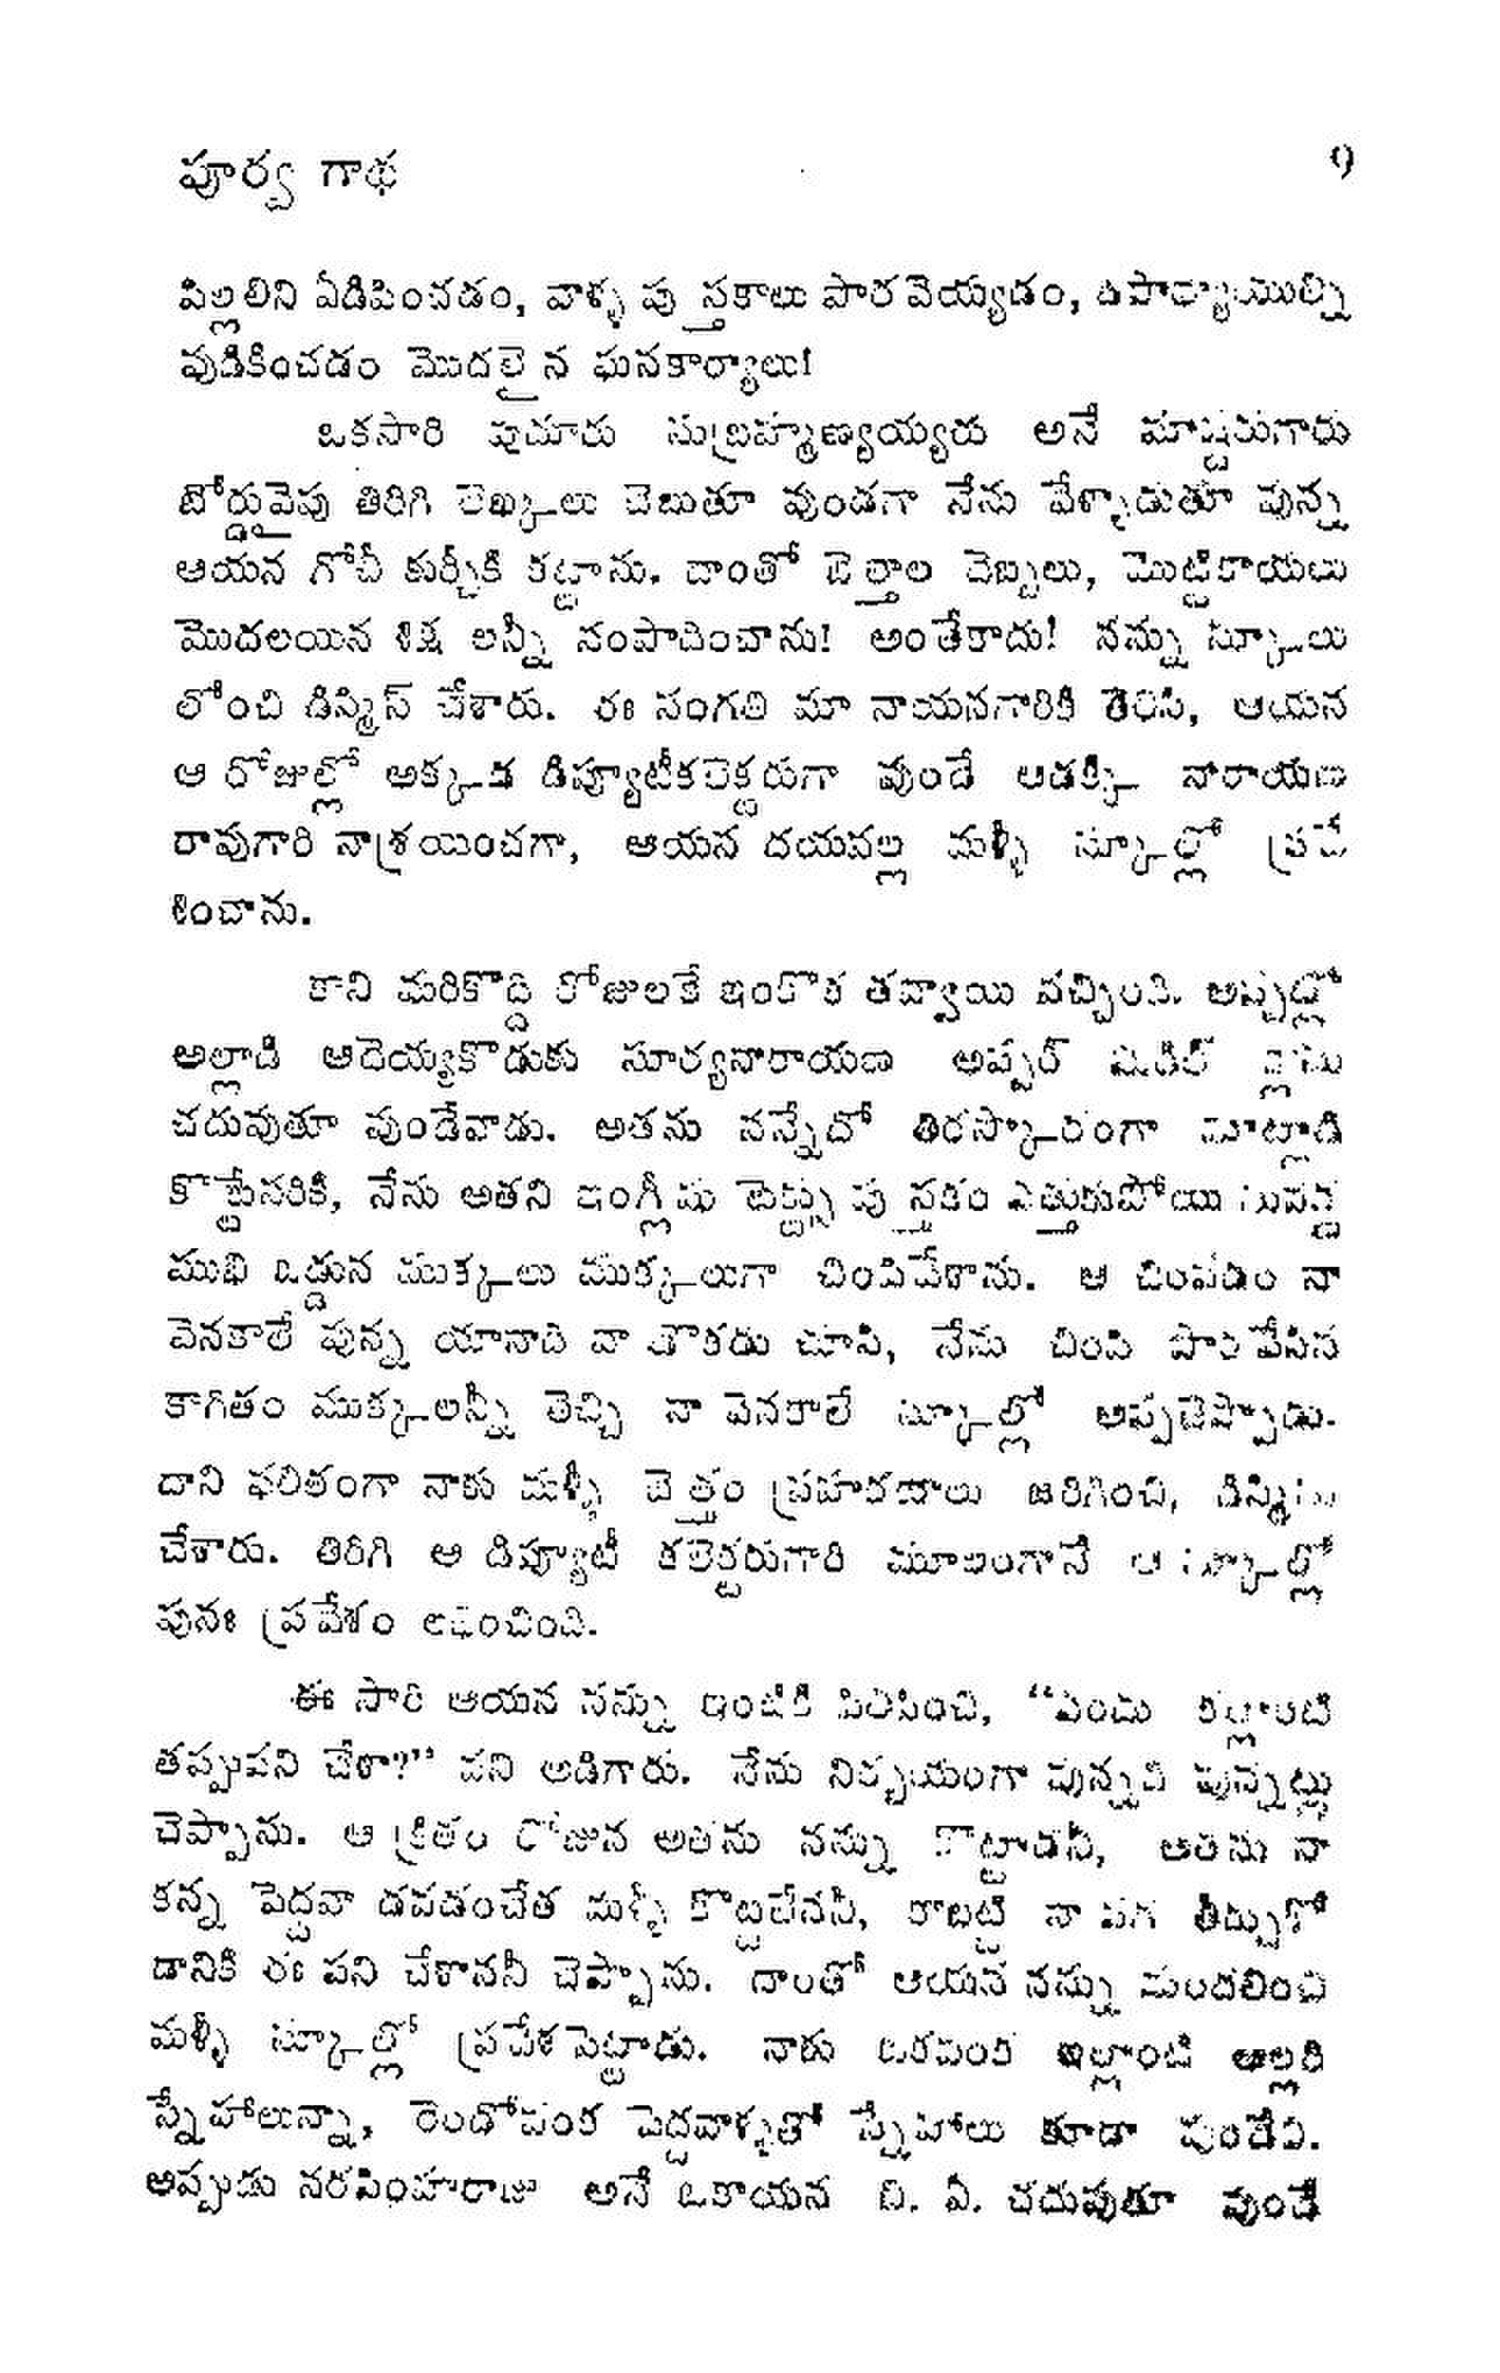పూర్వగాధ

పిల్లలని ఏడిపించడం, వాళ్ళ పుస్తకాలు పారవెయ్యడం, ఉపాధ్యాయుల్ని వుడికించడం మొదలైన ఘనకార్యాలు!

ఒకసారి పుదూరు సుబ్రణ్యయ్యరు అనే మాష్టరుగారు బోర్డువైపు తిరిగి లెఖ్ఖలు చెబుతూ వుండగా నేను వేళ్ళాడుతూ వున్న ఆయన గోచీ కుర్చీకి కట్టాను. దాంతో బెత్తాల దెబ్బలు, మొట్టికాయలు మొదలయిన శిక్షలన్నీ సంపాదించాను! అంతే కాదు! నన్ను స్కూలు లోంచి డిస్మిస్ చేశారు. ఈ సంగతి మా నాయనగారికి తెలిసి, ఆయన ఆ రోజుల్లో అక్కడ డిప్యూటీకలెక్టరుగా వుండే అడక్కి నారాయణ రావుగారి నాశ్రయించగా, ఆయన దయ వల్ల మళ్ళీ స్కూల్లో ప్రవేశించాను.

కాని మరికొద్ది రోజులకే ఇంకొక తవ్వాయి వచ్చింది. అప్పట్లో అల్లాడి ఆదెయ్య కొడుకు సూర్యనారాయణ అప్పర్ మిడిల్ క్లాసు చదువుతూ ఉండేవాడు. అతను నన్నేదో తిరస్కారంగా మాట్లాడి కొట్టేసరికి, నేను అతని ఇంగ్లీషు టెక్స్టు పుస్తకం ఎత్తుకుపోయి సువర్ణముఖి నది ఒడ్డున ముక్కలు ముక్కలుగా చింపివేశాను. ఆ చింపడం నా వెనకాలే ఉన్న యానాది వాడొకడు చూసి, నేను చింపి పారవేసిన కాగితం ముక్కలన్నీ తెచ్చి నా వెనకాలే స్కూల్లో అప్పజెప్పాడు. దాని ఫలితంగా నాకు మళ్ళీ బెత్తం ప్రహరణాలు జరిగించి, డిస్మిస్ చేశారు. తిరిగి ఆ డిప్యూటీ కలెక్టర్ మూలంగానే ఆ స్కూల్లో పునఃప్రవేశం లభించింది.

ఈ సారి ఆయన నన్ను ఇంటికి పిలిపించి, "ఎందు కల్లాంటి తప్పుపని చేశా?" వని అడిగారు. నేను నిర్భయంగా వున్నది వున్నట్లు చెప్పాను. ఆ క్రితం రోజున అతను నన్ను కొట్టాడనీ, అతను నాకన్న పెద్దవాడవడం చేత మళ్ళీ కొట్టలేననీ, కాబట్టి పగ తీర్చుకోవడానికి ఈ పని చేశాననీ చెప్పాను. దాంతో ఆయన మందలించి మళ్ళీ స్కూల్లో ప్రవేశపెట్టాడు. నాకు ఒకవంక ఇల్లాంటి అల్లరి స్నేహాలున్నా, రెండోవంక పెద్దవాళ్ళతో స్నేహాలు కూడా వుండేవి. అప్పుడు నరసింహరాజు అనే ఒకాయన బి.ఏ చదువుతూ వుండే